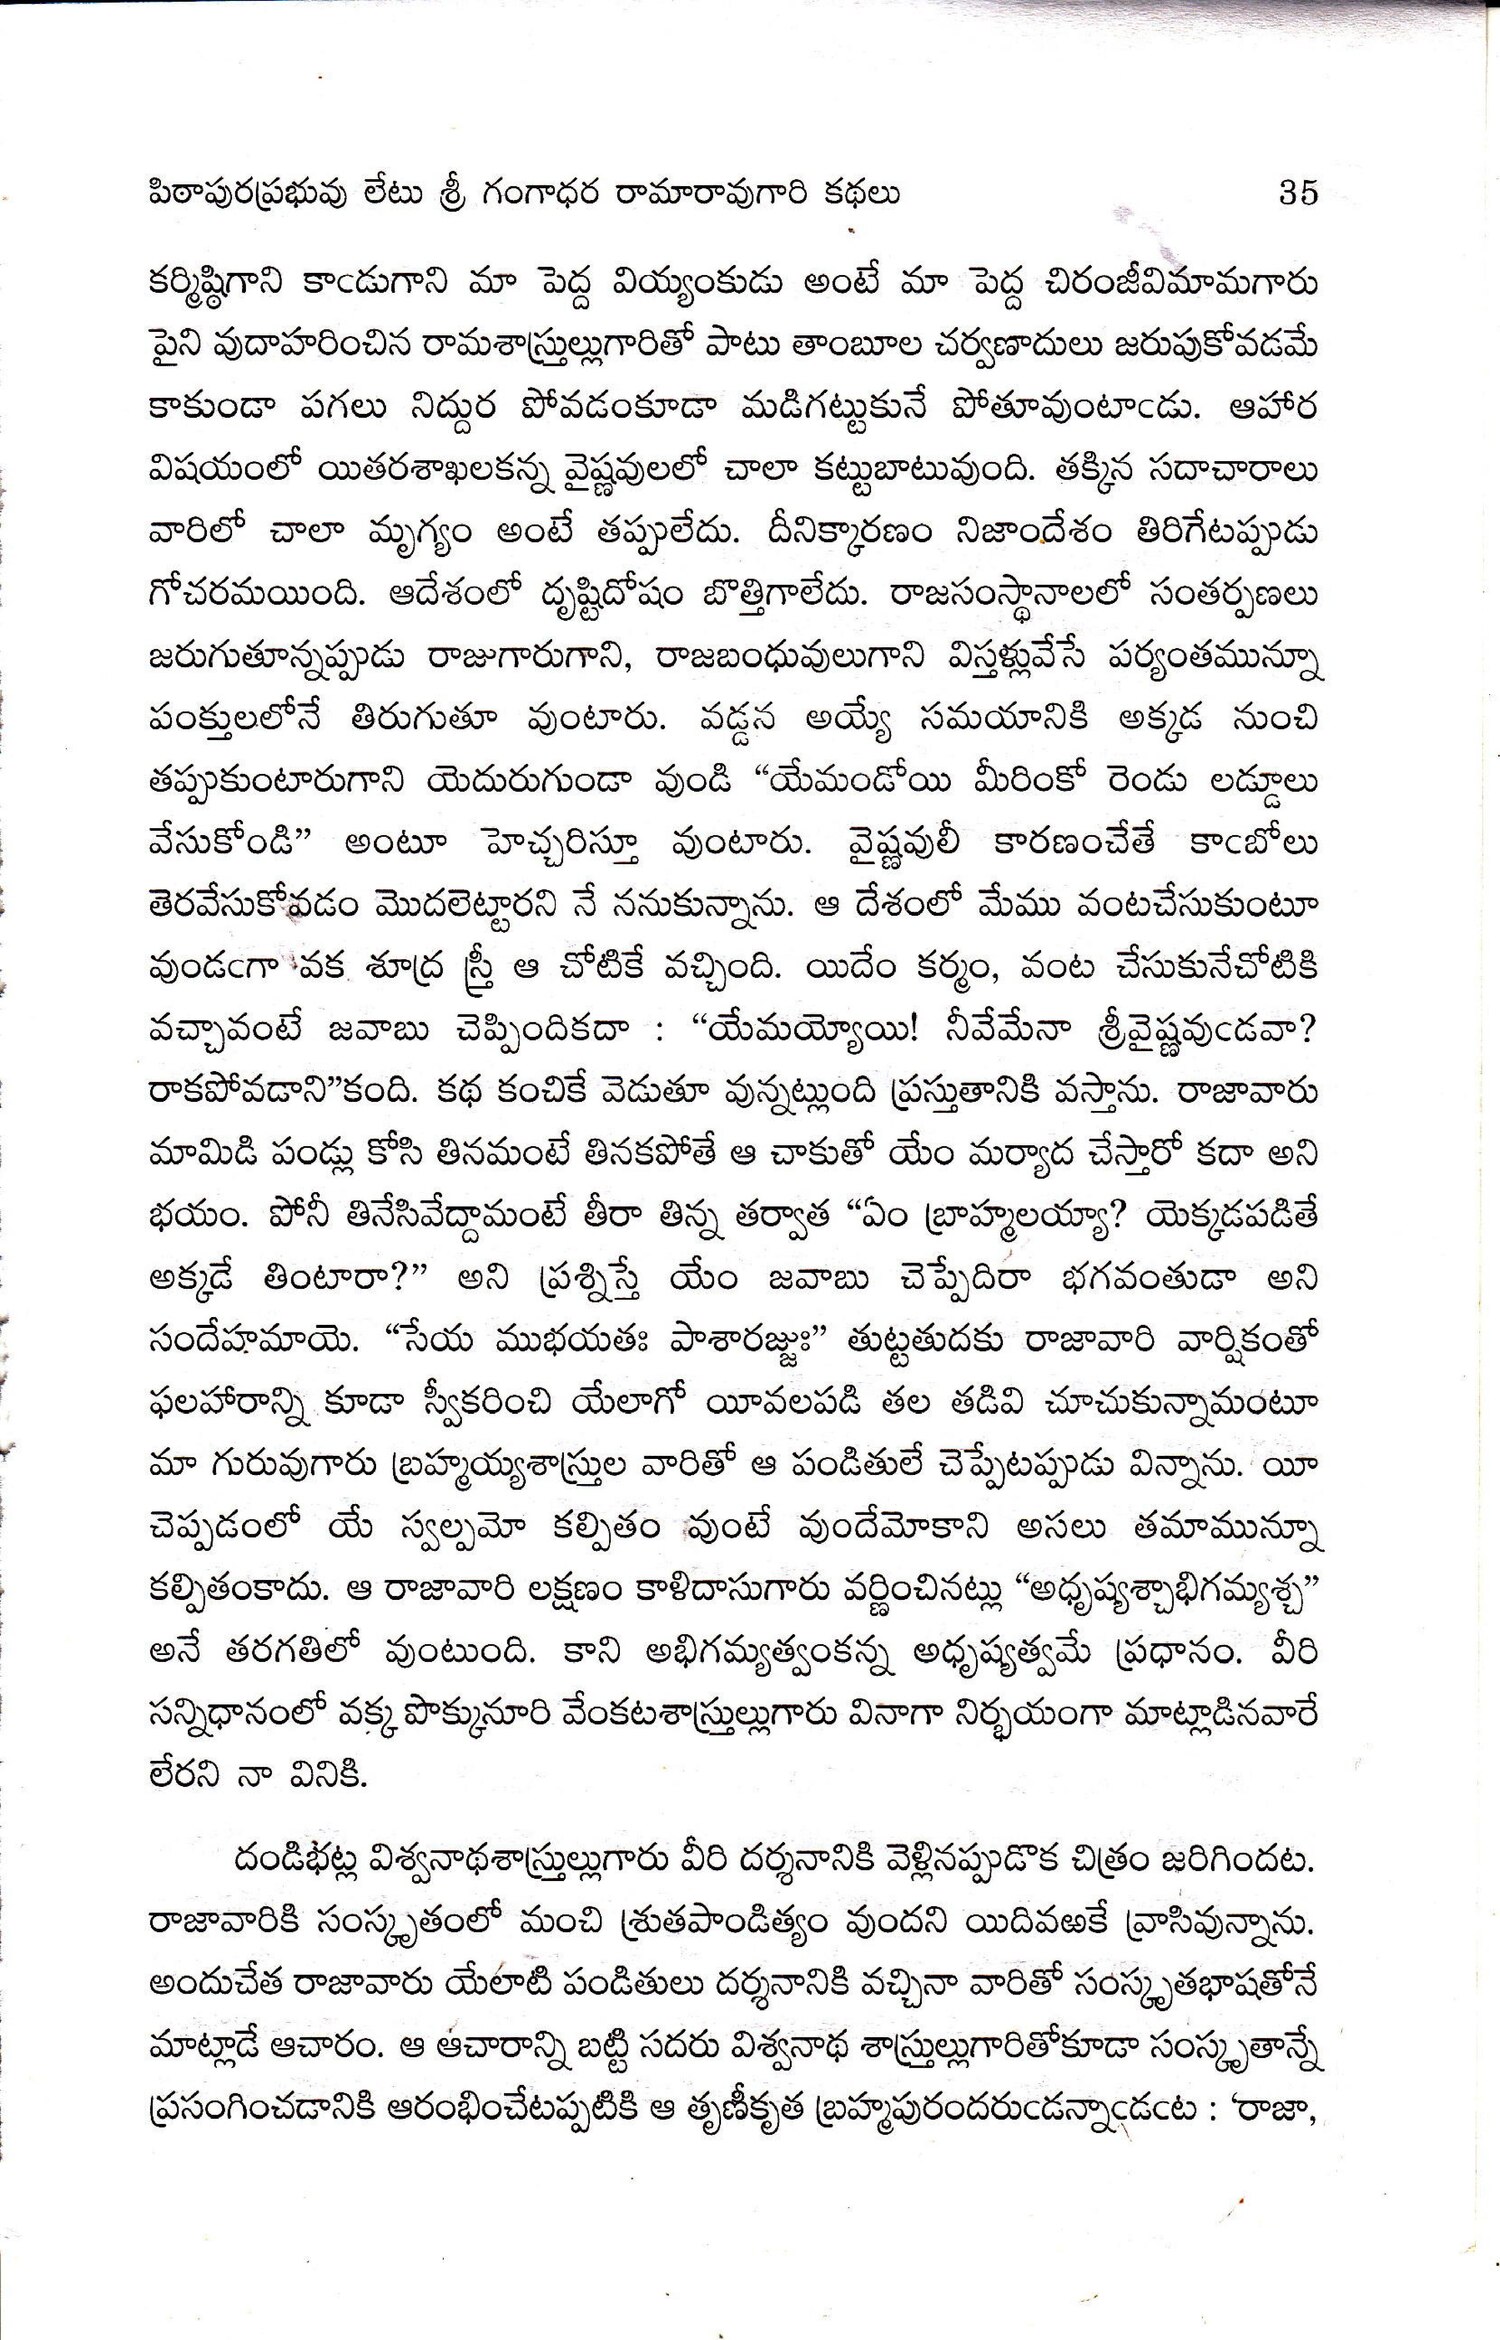కర్మిష్ఠిగాని కాఁడుగాని మా పెద్ద వియ్యంకుడు అంటే మా పెద్ద చిరంజీవిమామగారు పైని వుదాహరించిన రామశాస్రుల్లుగారితో పాటు తాంబూల చర్వణాదులు జరుపుకోవడమే కాకుండా పగలు నిదుర పోవడంకూడా మడిగట్టుకునే పోతూవుంటాండు. ఆహార విషయంలో యితరశాఖలకన్న వైష్ణవులలో చాలా కట్టుబాటువుంది. తక్కిన సదాచారాలు వారిలో చాలా మృగ్యం అంటే తప్పలేదు. దీనిక్కారణం నిజాందేశం తిరిగేటప్పుడు గోచరమయింది. ఆదేశంలో దృష్టిదోషం బొత్తిగాలేదు. రాజసంస్థానాలలో సంతర్పణలు జరుగుతూన్నప్పడు రాజుగారుగాని, రాజబంధువులుగాని విస్తళ్లువేసే పర్యంతమున్నూ పంక్తులలోనే తిరుగుతూ వుంటారు. వడ్డన అయ్యే సమయానికి అక్కడ నుంచి తప్పకుంటారుగాని యెదురుగుండా వుండి "యేమండోయి మీరింకో రెండు లడూలు వేసుకోండి" అంటూ హెచ్చరిస్తూ వుంటారు. వైష్ణవులీ కారణంచేతే కాcబోలు తెరవేసుకోవడం మొదలెట్టారని ననుకున్నాను. ఆ దేశంలో మేము వంటచేసుకుంటూ వుండంగా వక శూద్ర స్త్రీ ఆ చోటికే వచ్చింది. యిదేం కర్మం, వంట చేసుకునేచోటికి వచ్చావంటే జవాబు చెప్పిందికదా : "యేమయ్యోయి! నీవేమేనా శ్రీవైష్ణవుండవా? రాకపోవడాని"కంది. కథ కంచికే వెడుతూ వున్నట్లుంది ప్రస్తుతానికి వస్తాను. రాజావారు మామిడి పండ్లు కోసి తినమంటే తినకపోతే ఆ చాకుతో యేం మర్యాద చేస్తారో కదా అని భయం. పోనీ తినేసివేద్దామంటే తీరా తిన్న తర్వాత “ఏం బ్రాహ్మలయ్యా? యొక్కడపడితే అక్కడే తింటారా?" అని ప్రశ్నిస్తే యేం జవాబు చెప్పేదిరా భగవంతుడా అని సందేహమాయె. సేయ ముభయతః పాశారజః" తుట్టతుదకు రాజావారి వార్షికంతో ఫలహారాన్ని కూడా స్వీకరించి యేలాగో యీవలపడి తల తడివి చూచుకున్నామంటూ మా గురువుగారు బ్రహ్మయ్యశాస్రుల వారితో ఆ పండితులే చెప్పేటప్పుడు విన్నాను. యీ చెప్పడంలో యే స్వల్పమో కల్పితం వుంటే వుందేమోకాని అసలు తమామున్నూ కల్పితంకాదు. ఆ రాజావారి లక్షణం కాళిదాసుగారు వర్ణించినట్లు “అధృష్యశ్చాభిగమ్యశ్చ" అనే తరగతిలో వుంటుంది. కాని అభిగమ్యత్వంకన్న అధృష్యత్వమే ప్రధానం. వీరి సన్నిధానంలో వక్కపొక్కునూరి వేంకటశాస్రుల్లుగారు వినాగా నిర్భయంగా మాట్లాడినవారే లేరని నా వినికి.

దండిభట్ల విశ్వనాథశాస్రుల్లుగారు వీరి దర్శనానికి వెళ్లినప్పడొక చిత్రం జరిగిందట. రాజావారికి సంస్కృతంలో మంచి శ్రుతపాండిత్యం వుందని యిదివఱకే వ్రాసివున్నాను. అందుచేత రాజావారు యేలాటి పండితులు దర్శనానికి వచ్చినా వారితో సంస్కృతభాషతోనే మాట్లాడే ఆచారం. ఆ ఆచారాన్ని బట్టి సదరు విశ్వనాథ శాస్రుల్లుగారితోకూడా సంస్కృతాన్నే ప్రసంగించడానికి ఆరంభించేటప్పటికి ఆ తృణీకృత బ్రహ్మపురందరుఁడన్నాండంట : 'రాజా,